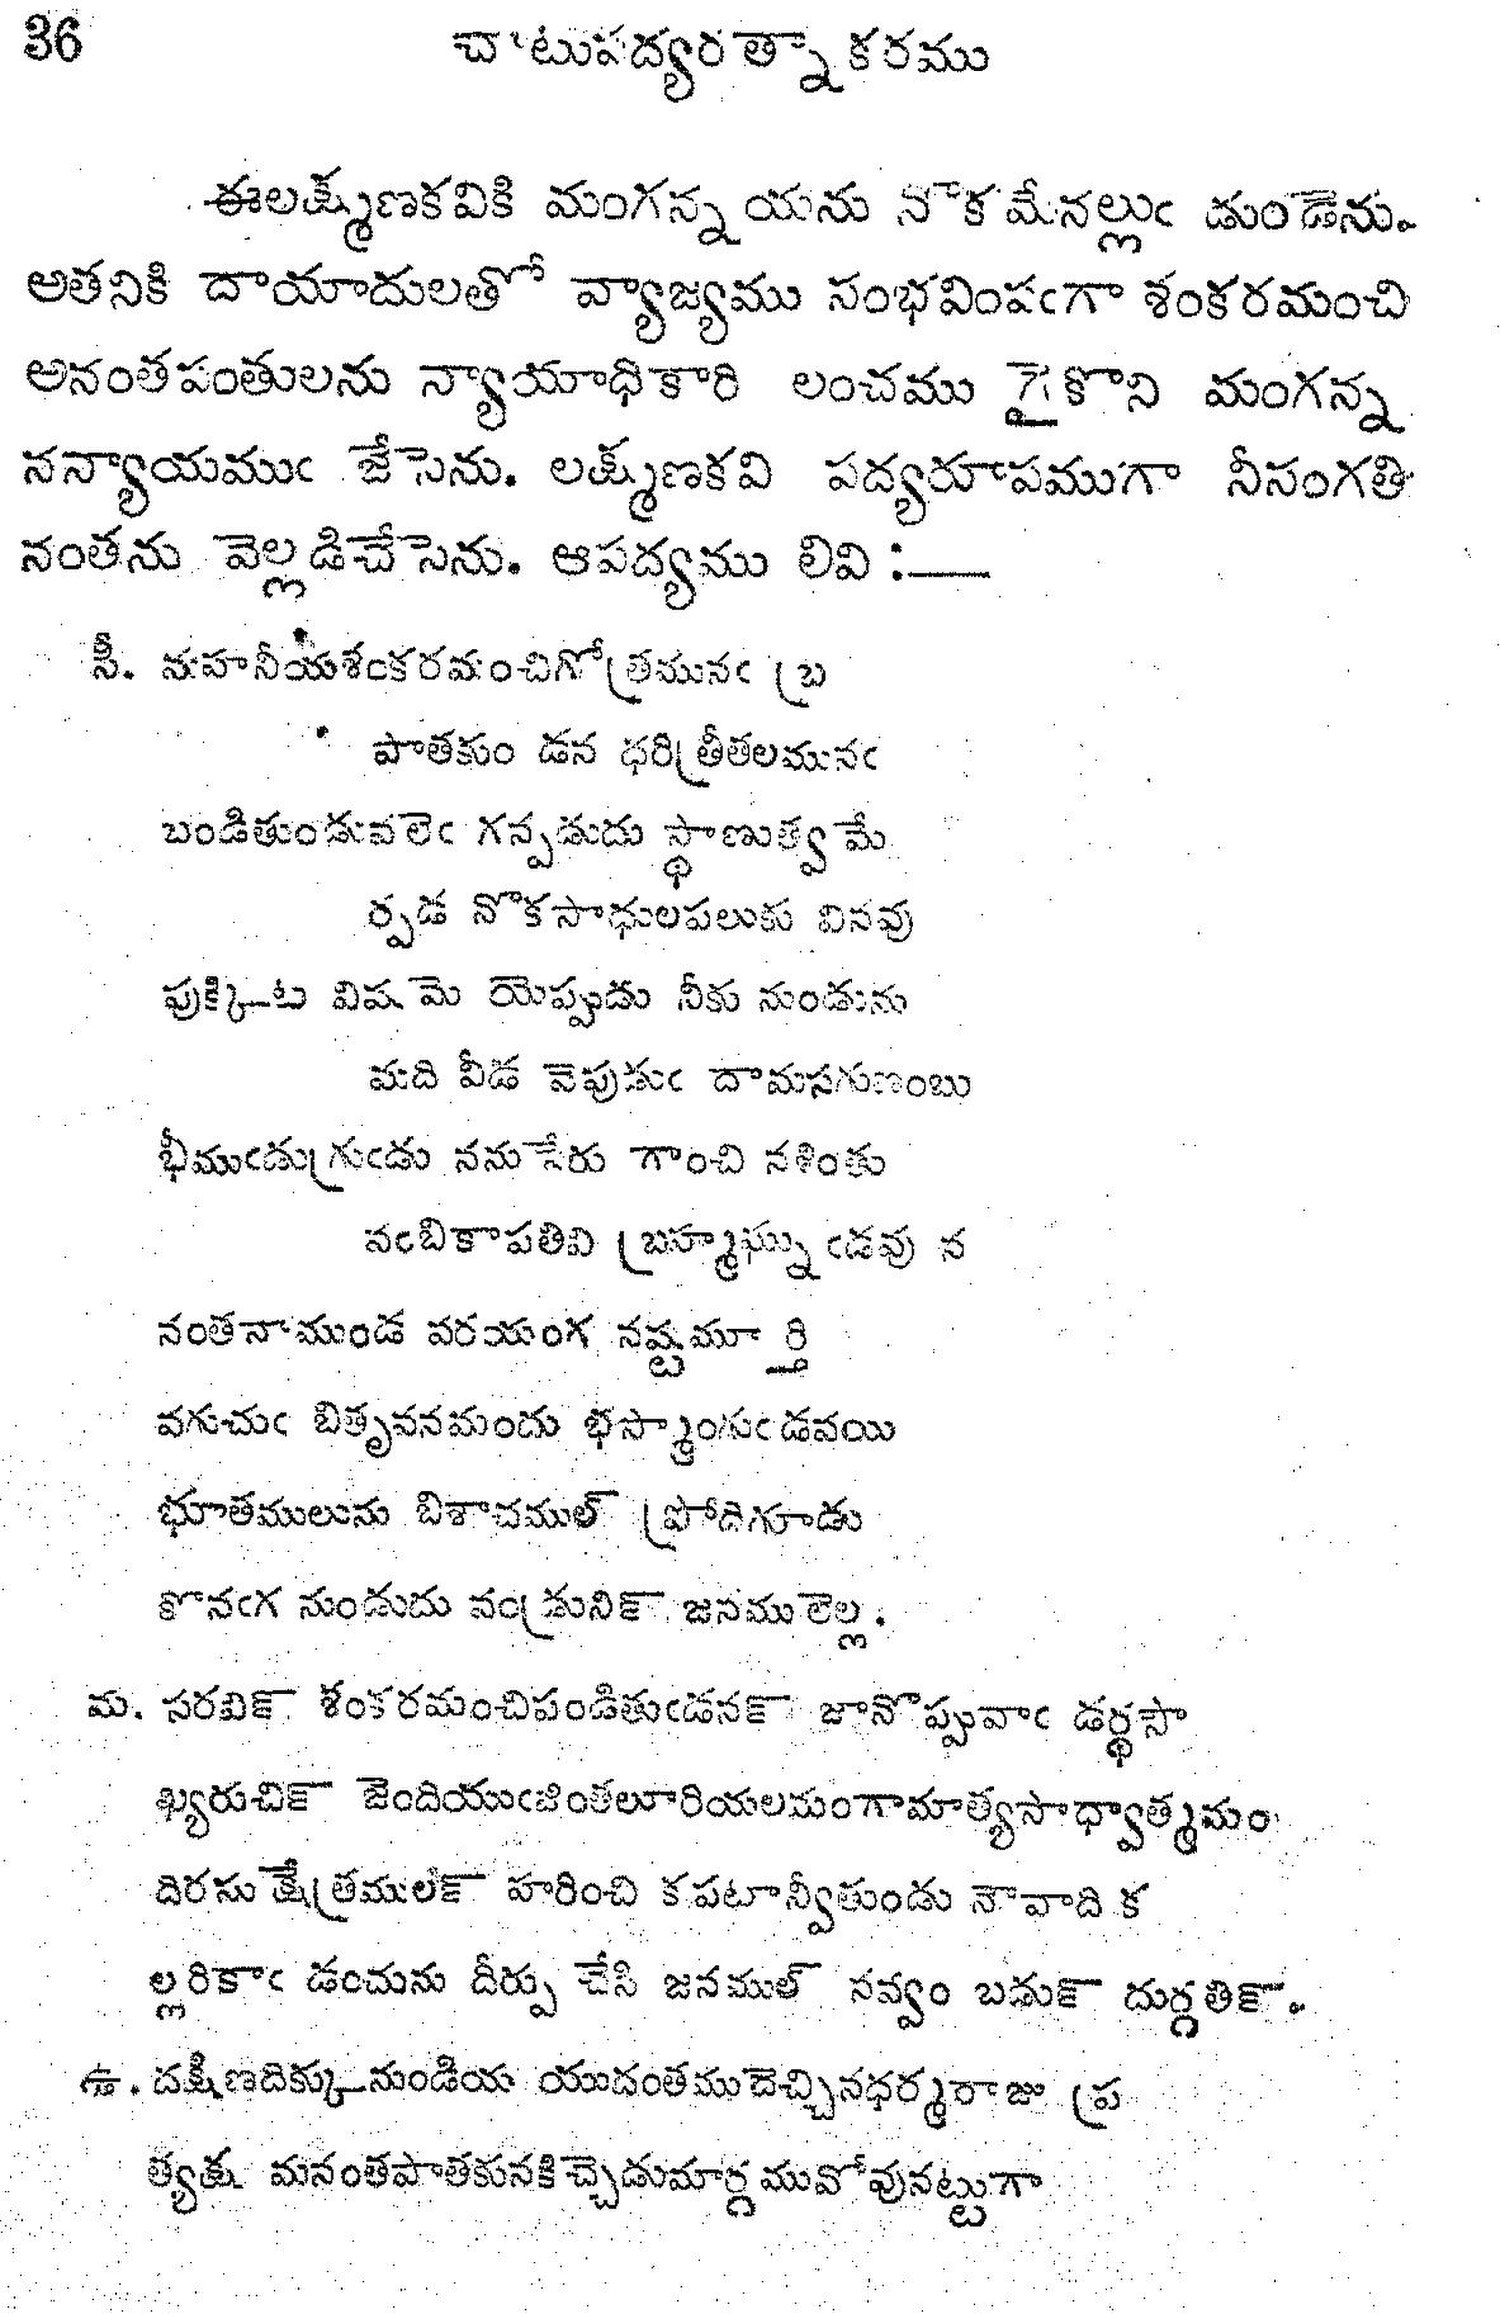నాకుఁ దోచెఁ జంక నాకు మింక.

ఈలక్ష్మణకవికి మంగన్నయను నొకమేనల్లుఁ డుండెను. అతనికి దాయాదులతో వ్యాజ్యము సంభవింపఁగా శంకరమంచి అనంతపంతులను న్యాయాధికారి లంచము గైకొని మంగన్న నన్యాయముఁ జేసెను. లక్ష్మణకవి పద్యరూపములగా నీసంగతినంతను వెల్లడిచేసెను. ఆపద్యము లివి—

సీ. మహనీయశంకరమంచిగోత్రమునఁ బ్ర
 పాతకుం డన ధరిత్రీతలమునఁ
 బండితుండువలెఁ గల్పడుదు స్థాణుత్వ మే
 ర్పడ నొకసాధులపలుకు వినవు
 పుక్కిట విషమె యెప్పుడు నీకు నుండును
 మది వీడ వెపుఁడు దామసగుణంబు
 భీముఁ డుగ్రుఁఢు ననుపేరు గాంచి నశింతు
 వంబికాపతివి బ్రహ్మఘ్నుఁడవు న
 నంతనాముండ వరయంగ నష్టమూర్తి
 వగుచుఁ బితృవనమందు భస్మాంగుఁ డవయి
 భూతములును బిశాచముల్ ప్రోదిగూడు
 కొనఁగ నుండుదు వండ్రు నిన్ జనములెల్ల.

మ. సరవిన్ శంకరమంచిపండితుఁ డనన్ జానొప్పుఁవా డర్థసౌ
 ఖ్యరుచిన్ జెందియుఁ జింతలూరిమంగామాత్యసాధ్వాత్మమం
 దిరసుక్షేత్రములన్ హరించి కపటాన్వీతుండు నౌ వాది క
 ల్లరికాఁ డంచును దీర్పు చేసి జనముల్ నవ్వం బడున్ దుర్గతిన్.

ఉ. దక్షిణదిక్కునుండియ యుదంతము దెచ్చిన ధర్మరాజు ప్ర
 త్యక్ష మనంతపాతకున కిచ్చెడు మార్గము వోవునట్టుగా